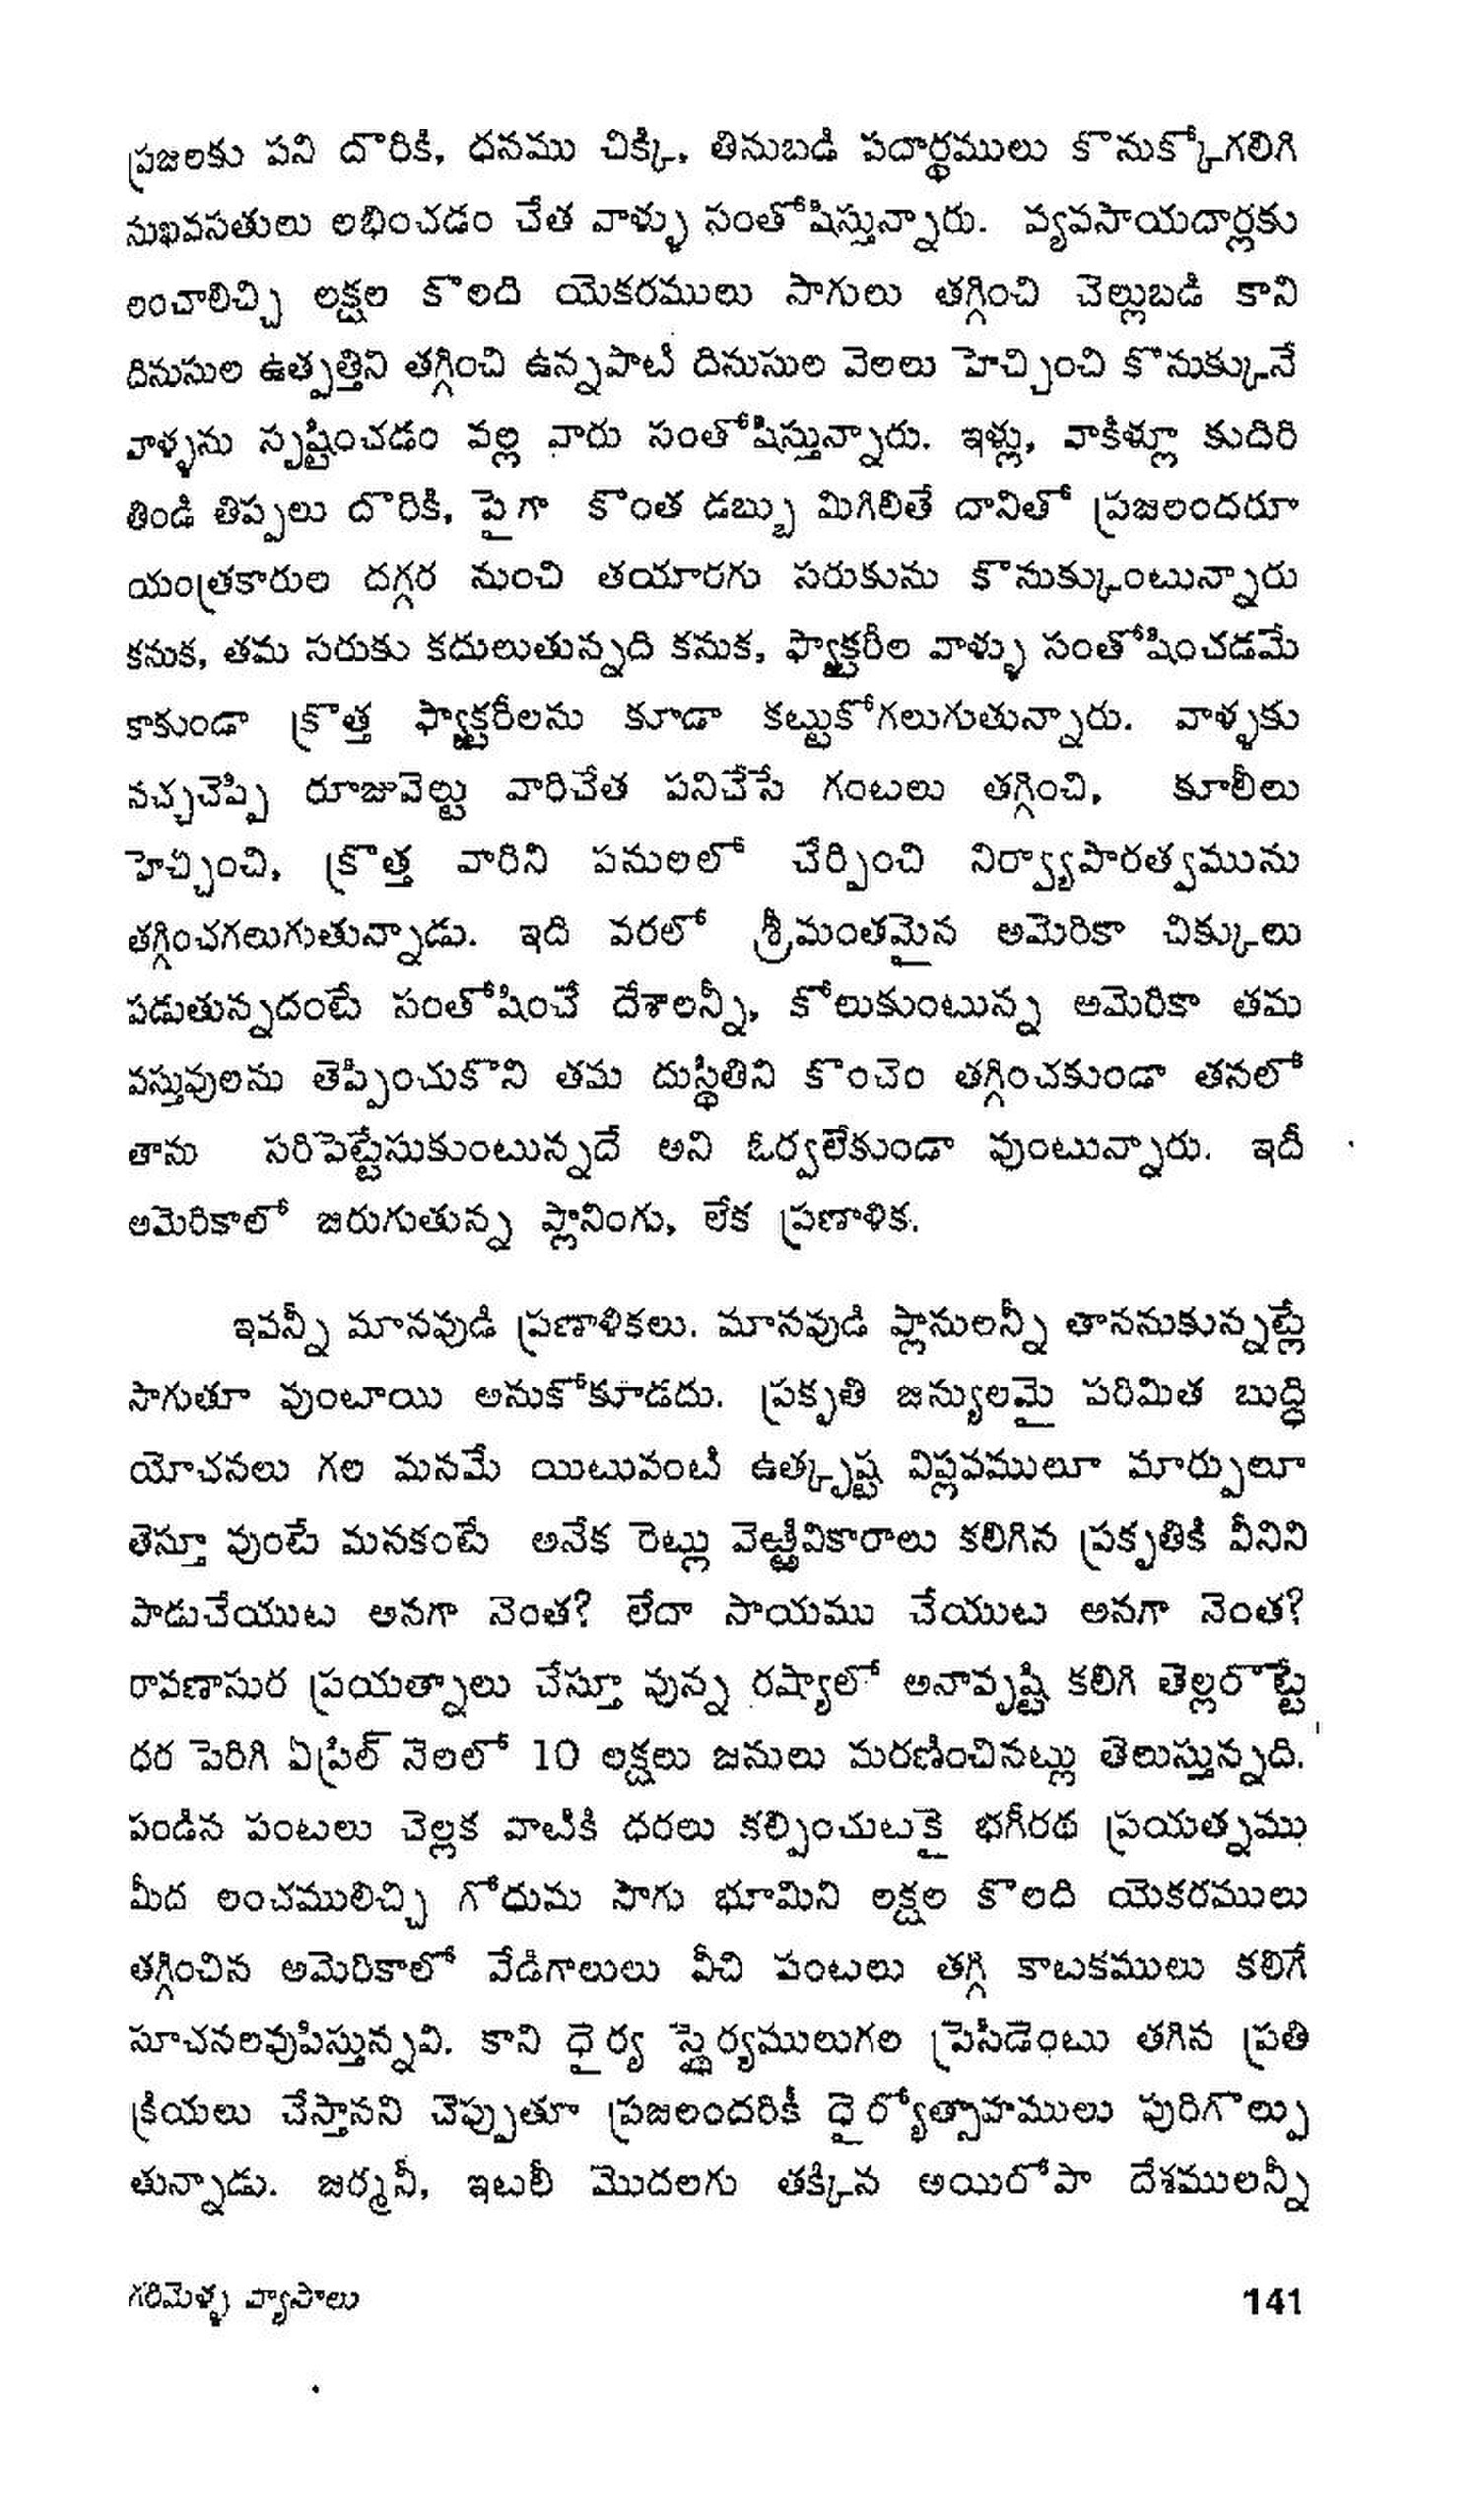ప్రజలకు పని దొరికి, ధనము చిక్కి, తినుబడి పదార్థములు కొనుక్కోగలిగి సుఖవసతులు లభించడం చేత వాళ్ళు సంతోషిస్తున్నారు. వ్యవసాయదార్లకు లంచాలిచ్చి లక్షల కొలది యెకరములు సాగులు తగ్గించి చెల్లుబడి కాని దినుసుల ఉత్పత్తిని తగ్గించి ఉన్నపాటి దినుసుల వెలలు హెచ్చించి కొనుక్కునే వాళ్ళను సృష్టించడం వల్ల వారు సంతోషిస్తున్నారు. ఇళ్లు, వాకిళ్లూ కుదిరి తిండి తిప్పలు దొరికి, పైగా కొంత డబ్బు మిగిలితే దానితో పజలందరూ యంత్రకారుల దగ్గర నుంచి తయారగు సరుకును కొనుక్కుంటున్నారు కనుక, తమ సరుకు కదులుతున్నది కనుక, ఫ్యాక్టరీల వాళ్ళు సంతోషించడమే కాకుండా క్రొత్త ఫ్యాక్టరీలను కూడా కట్టుకోగలుగుతున్నారు. వాళ్ళకు నచ్చచెప్పి రూజువెల్టు వారిచేత పనిచేసే గంటలు తగ్గించి, కూలీలు హెచ్చించి, క్రొత్త వారిని పనులలో చేర్పించి నిర్వ్యాపరత్వమును తగ్గించగలుగుతున్నాడు. ఇది వరలో శ్రీమంతమైన అమెరికా చిక్కులు పడుతున్నదంటే సంతోషించే దేశాలన్నీ, కోలుకుంటున్న అమెరికా తమ వస్తువులను తెప్పించుకొని తమ దుస్థితిని కొంచెం తగ్గించకుండా తనలో తాను సరిపెట్టేసుకుంటున్నదే అని ఓర్వలేకుండా వుంటున్నారు. ఇదీ అమెరికాలో జరుగుతున్న ప్లానింగు, లేక ప్రణాళిక. 

ఇవన్నీ మానవుడి ప్రణాళికలు. మానవుడి ప్లానులన్నీ తాననుకున్నట్లే సాగుతూ వుంటాయి అనుకోకూడదు. ప్రకృతి జన్యులమై పరిమిత బుద్ధి యోచనలు గల మనమే యటువంటి ఉత్కృష్ట విప్లవములూ మార్పులూ తెస్తూ వుంటే మనకంటే అనేక రెట్లు వెఱ్ఱివికారాలు కలిగిన ప్రకృతికి వీనిని పాడుచేయుట అనగా నెంత? లేదా సాయము చేయుట అనగా నెంత? రావణాసుర ప్రయత్నాలు చేస్తూ వున్న రష్యాలో అనావృష్టి కలిగి తెల్లరొట్టే ధర పెరిగి ఏప్రిల్ నెలలో 10 లక్షలు జనులు మరణించినట్లు తెలుస్తున్నది. పండిన పంటలు చెల్లక వాటికి ధరలు కల్పించుటకై భగీరథ ప్రయత్నము మీద లంచములిచ్చి గోధుమ సాగు భూమిని లక్షల కొలది యెకరములు తగ్గించిన అమెరికాలో వేడిగాలులు వీచి పంటలు తగ్గి కాటకములు కలిగే సూచనలవుపిస్తున్నవి. కాని ధైర్య స్థైర్యములుగల ప్రెసిడెంటు తగిన ప్రతిక్రియలు చేస్తానని చెప్పుతూ ప్రజలందరికీ ధైర్యోత్సాహములు పురిగొల్పుతున్నాడు. జర్మనీ, ఇటలీ మొదలగు తక్కిన అయిరోపా దేశములన్నీ